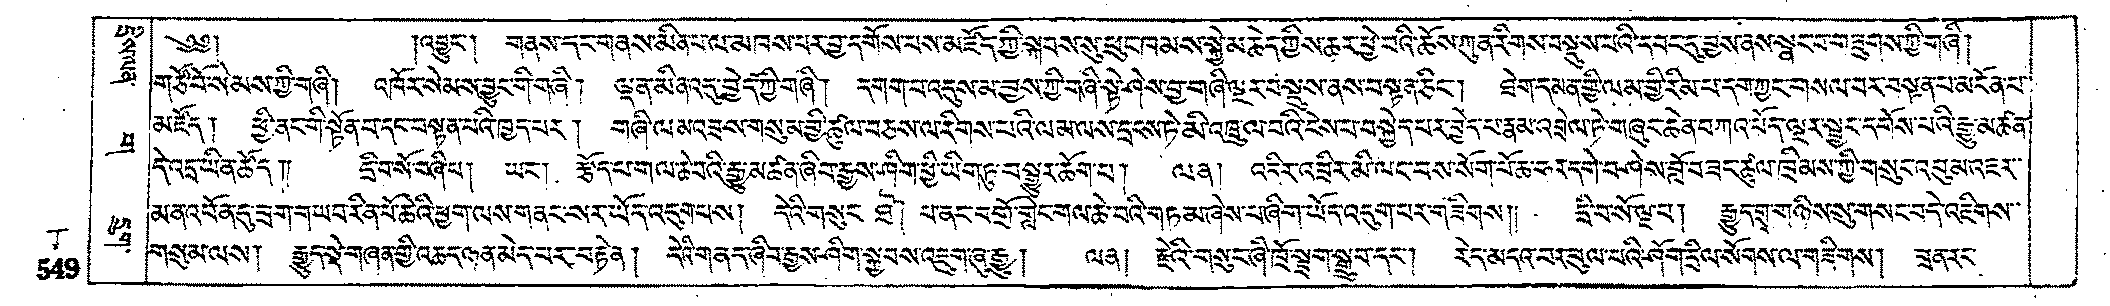༄༅། །འབྱུང་། གནས་དང་གནས་མིན་པ་ལ་མཁས་པར་བྱ་དགོས་པས་མཛོད་ཀྱི་སྐབས་སུ་ཕུང་ཁམས་སྐྱེ་མཆེད་ཀྱིས་ཆར་ཕྱེ་བའི་ཆོས་ཀུན་རིགས་བསྡུས་པའི་དབང་དུ་བྱས་ནས་སྣང་བ་གཟུགས་ཀྱི་གཞི།
གཙོ་བོ་སེམས་ཀྱི་གཞི། འཁོར་སེམས་བྱུང་གི་གཞི། ལྡན་མིན་འདུ་བྱེད་ཀྱི་གཞི། དགག་པ་འདུས་མ་བྱས་ཀྱི་གཞི་སྟེ་ཤེས་བྱ་གཞི་ལྔར་བསྡུས་ནས་བསྟན་ཅིང་། ཐེག་དམན་གྱི་ལམ་གྱི་རིམ་པ་དག་ཀྱང་གསལ་བར་བསྟན་པ་མངོན་པ་
མཛོད། ཕྱི་ནང་གི་སྟོན་པ་དང་བསྟན་པའི་ཁྱད་པར། གཞི་ལམ་འབྲས་གསུམ་གྱི་ཚུལ་བཅས་ལ་རིགས་པའི་ལམ་ལས་དྲངས་ཏེ་མི་འཁྲུལ་བའི་ངེས་པ་བསྐྱེད་པར་བྱེད་པ་རྣམ་འགྲེལ་ཏེ་གཞུང་ཆེན་བཀའ་པོད་ལྔར་སྦྱང་དགོས་པའི་རྒྱུ་མཚན་
དེ་འདྲ་ཡིན་ཚོད།། དྲི་བ་སོ་བཞི་པ། ཡང་། རྩོད་པ་གལ་ཆེ་བའི་རྒྱུ་མཚན་ཞིབ་རྒྱས་ཤིག་ཕྱི་ཡིག་ཏུ་བསྒྱུར་ཆོག་པ། ལན། འདིར་འབྲིར་མི་ལང་བས་སོག་པོ་ཆ་ཧར་དགེ་བཤེས་བློ་བཟང་ཚུལ་ཁྲིམས་ཀྱི་གསུང་འབུམ་འཇར་་་
མན་འབོན་དུ་བྲག་གཡབ་རིན་པོ་ཆེའི་ཕྱག་ལས་གནང་སར་ཡོད་འདུག་པས། དེའི་གསུང་ཐ་པ་ནང་བགྲོ་གླེང་གལ་ཆེ་བའི་གཏམ་ཞེས་པ་ཞིག་ཡོད་འདུག་པར་གཟིགས།། དྲི་བ་སོ་ལྔ་པ། རྒྱུད་གྲྭ་གཉིས་སུ་གསང་བདེ་འཇིགས་་་
གསུམ་ལས། རྒྱུད་སྡེ་གཞན་གྱི་འཆད་ཉན་མེད་པར་བརྟེན། དེའི་གནད་ཞིབ་རྒྱས་ཤིག་སྐྱབས་འཇུག་ཞུ་རྒྱུ། ལན། རྗེའི་གསུང་ཞི་ཁྲོ་སྦྲག་སྒྲུབ་དང་། རེད་མདའ་བར་ཕུལ་བའི་ཤོག་དྲིལ་སོགས་ལ་གཟིགས། ཕྲན་རང་